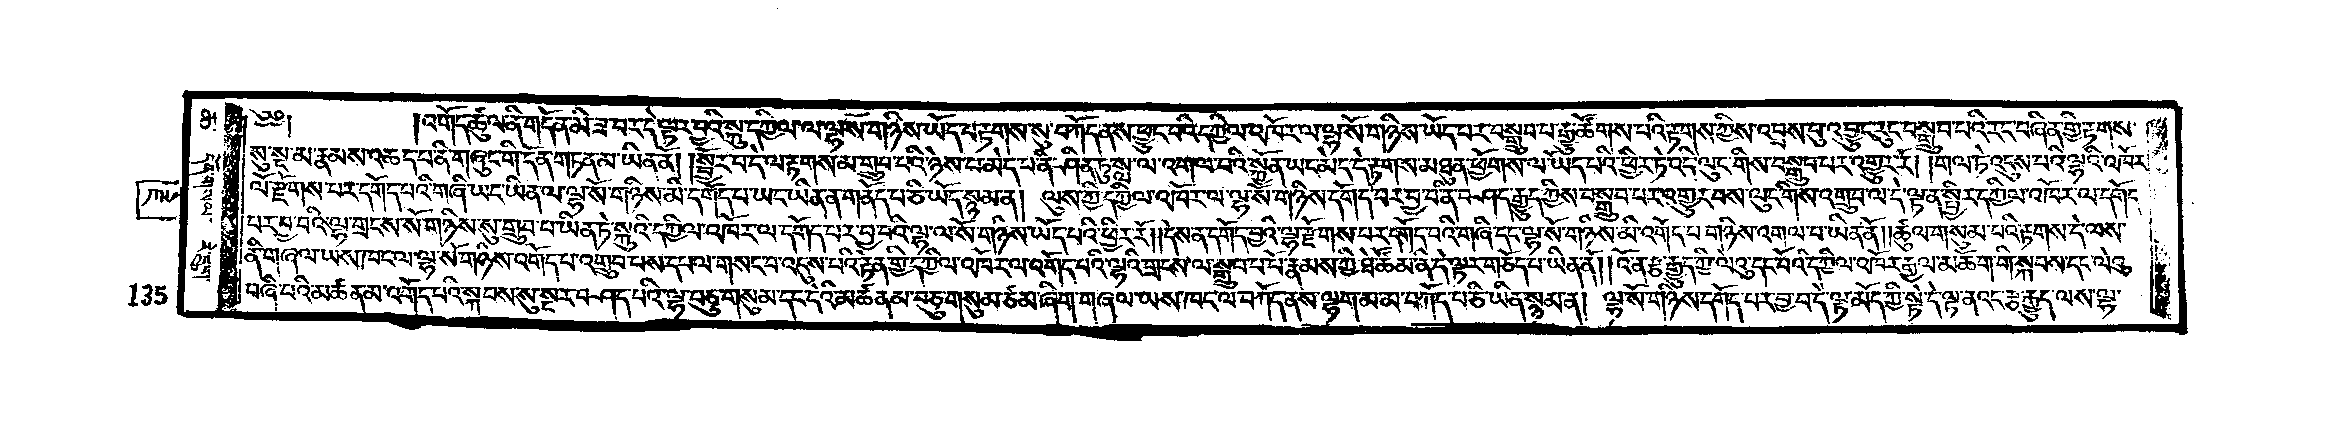༄༅། །འགོད་ཚུལ་ནི་གདོན་མི་ཟ་བར་དེ་ལྟར་བྱའི་སྐུ་དཀྱིལ་ལ་ལྷ་ས་གཉིས་ཡོད་པ་རྟགས་སུ་བཀོད་ནས་ཕྱུང་བའི་དཀྱིལ་འཁོར་ལ་ལྷ་སོ་གཉིས་ཡོད་པར་བསྒྲུབ་པ་རྒྱུ་ཚོགས་པའི་རྟགས་ཀྱིས་འབྲས་བུ་འབྱུང་རུང་བསྒྲུབ་པའི་རང་བཞིན་གྱི་རྟགས་
སུ་སྔ་མ་རྣམས་འཆད་པ་ནི་གཞུང་གི་དོན་གཏན་མ་ཡིན་ནོ། །སྦྱོར་བ་དེ་ལ་རྟགས་མ་གྲུབ་པའི་ཉེས་པ་མེད་པ་ནི་ཤིན་ཏུ་སླ་ལ་འགལ་བའི་སྐྱོན་ཡང་མེད་དེ་རྟགས་མཐུན་ཕྱོགས་ལ་ཡོད་པའི་ཕྱིར་ཏེ་འདི་ལུང་གིས་བསྒྲུབ་པར་འགྱུར་རོ། །གལ་ཏེ་འདུས་པའི་ལྷའི་འཁོར་
ལོ་རྫོགས་པར་དགོད་པའི་གཞི་ཡང་ཡིན་ལ་ལྷ་སོ་གཉིས་མི་དགོད་པ་ཡང་ཡིན་ན་གནོད་པ་ཅི་ཡོད་སྙམ་ན། ལུས་ཀྱི་དཀྱིལ་འཁོར་ལ་ལྷ་སོ་གཉིས་དགོད་པར་བྱ་བ་ནི་བཤད་རྒྱུད་ཀྱིས་བསྒྲུབ་པར་འགྱུར་བས་ལུང་གིས་འགྲུབ་ལ་དེ་ལྟ་ན་སྤྱིར་དཀྱིལ་འཁོར་ལ་དགོད་
པར་བྱ་བའི་ལྷ་གྲངས་སོ་གཉིས་སུ་གྲུབ་པ་ཡིན་ཏེ་སྐུའི་དཀྱིལ་འཁོར་ལ་དགོད་པར་བྱ་བའི་ལྷ་ལ་སོ་གཉིས་ཡོད་པའི་ཕྱིར་རོ། །དེས་ན་དགོད་བྱའི་ལྷ་རྫོགས་པར་དགོད་པའི་གཞི་དང་ལྷ་སོ་གཉིས་མི་འགོད་པ་གཉིས་འགལ་བ་ཡིན་ནོ། །ཚུལ་གསུམ་པའི་རྟགས་དེ་ལས་
ནི་གཞལ་ཡས་ཁང་ལ་ལྷ་སོ་གཉིས་འགོད་པ་འགྲུབ་པས་དཔལ་གསང་བ་འདུས་པའི་རྟེན་གྱི་དཀྱིལ་འཁོར་ལ་འགོད་པའི་ལྷའི་གྲངས་ལ་སྒྲུབ་པ་པོ་རྣམས་ཀྱི་ཐེ་ཚོམ་ནི་དེ་ལྟར་གཅོད་པ་ཡིན་ནོ། །འོ་ན་རྩ་རྒྱུད་ཀྱི་ལེའུ་དང་པོའི་དཀྱིལ་འཁོར་རྒྱལ་མཆོག་གི་སྐབས་དང་ལེའུ་
བཞི་པའི་མཚན་མ་འགོད་པའི་སྐབས་སུ་སྔར་བཤད་པའི་ལྷ་བཅུ་གསུམ་དང་དེའི་མཚན་མ་བཅུ་གསུམ་ཙམ་ཞིག་གཞལ་ཡས་ཁང་ལ་བཀོད་ནས་ལྷག་མ་མ་བཀོད་པ་ཅི་ཡིན་སྙམ་ན། ལྷ་སོ་གཉིས་དགོད་པར་བྱ་བ་དེ་ལྟ་མོད་ཀྱི་སྟེ་དེ་ལྟ་ནའང་རྩ་རྒྱུད་ལས་ལྷ་